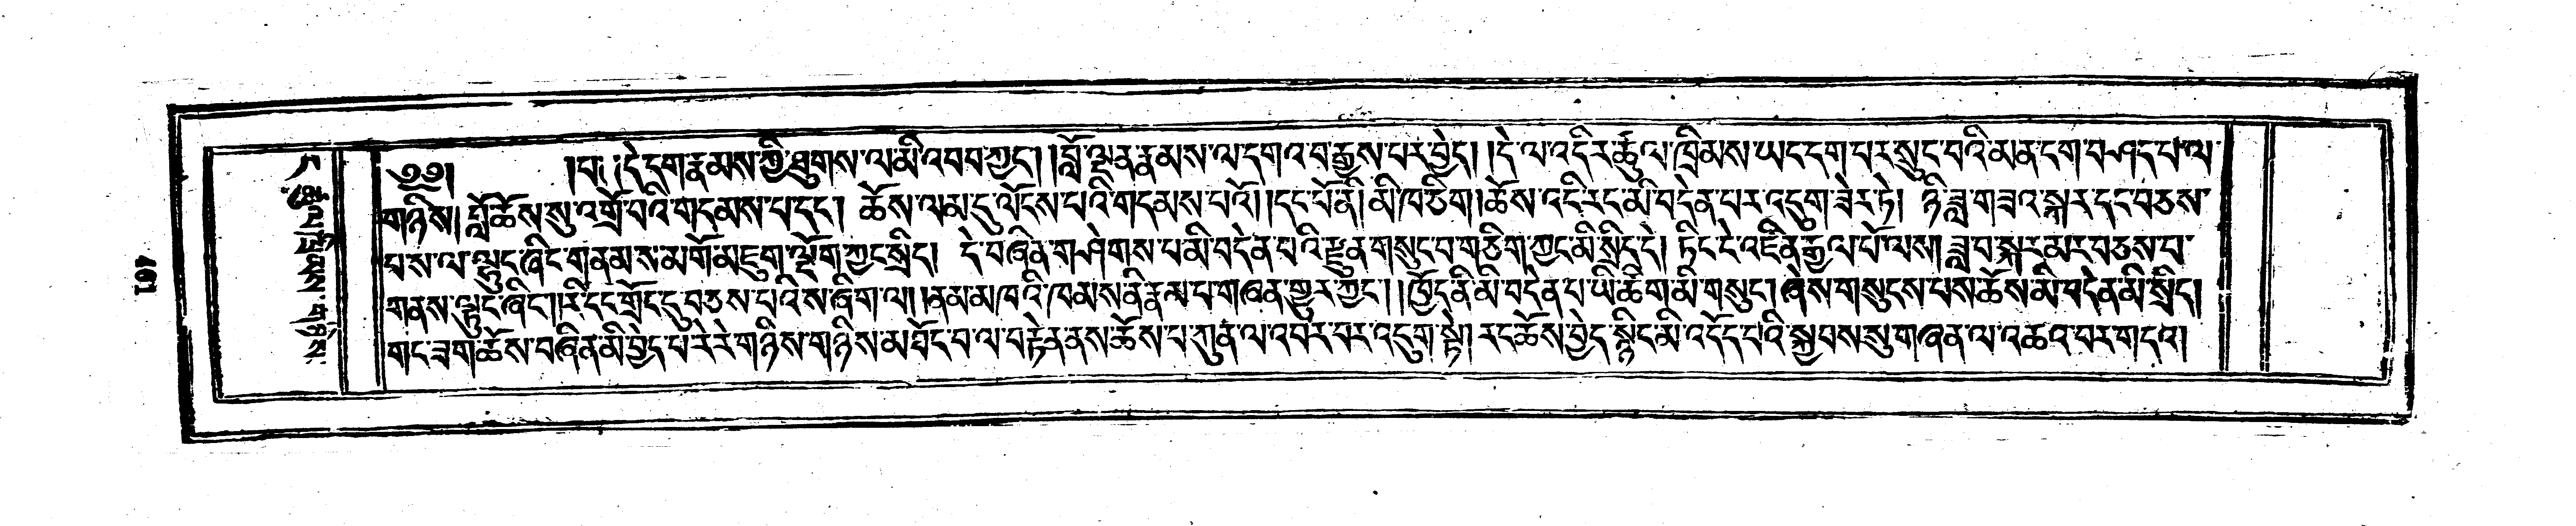༄༅། །པ། །དེ་དག་རྣམས་ཀྱི་ཐུགས་ལ་མི་འབབ་ཀྱང་། །བློ་ལྡན་རྣམས་ལ་དགའ་བ་རྒྱས་པར་བྱེད། །དེ་ལ་འདིར་ཚུལ་ཁྲིམས་ཡང་དག་པར་སྲུང་བའི་མན་ངག་བཤད་པ་ལ་
གཉིས། བློ་ཆོས་སུ་འགྲོ་བའི་གདམས་པ་དང་། ཆོས་ལམ་དུ་ལོངས་པའི་གདམས་པའོ། །དང་པོ་ནི། མི་ཁ་ཅིག །ཆོས་འདི་རང་མི་བདེན་པར་འདུག་ཟེར་ཏེ། ཉི་ཟླ་གཟའ་སྐར་དང་བཅས་
པ་ས་ལ་ལྷུང་ཞིང་གནམ་ས་མགོ་མཇུག་ལྡོག་ཀྱང་སྲིད། དེ་བཞིན་གཤེགས་པ་མི་བདེན་པའི་རྫུན་གསུང་བ་གཅིག་ཀྱང་མི་སྲིད་དེ། ཏིང་ངེ་འཛིན་རྒྱལ་པོ་ལས། ཟླ་བ་སྐར་མར་བཅས་པ་
གནས་ལྟུང་ཞིང་། །རི་དང་གྲོང་དུ་བཅས་པའི་ས་ཞིག་ལ། །ནམ་མཁའི་ཁམས་ནི་རྣམ་པ་གཞན་གྱུར་ཀྱང་། །ཁྱོད་ནི་མི་བདེན་པ་ཡི་ཚིག་མི་གསུང་། ཞེས་གསུངས་པས་ཆོས་མི་བདེན་མི་སྲིད།
གང་ཟག་ཆོས་བཞིན་མི་བྱེད་པ་རེ་རེ་གཉིས་གཉིས་མཐོང་བ་ལ་བརྟེན་ནས་ཆོས་པ་ཀུན་ལ་འབར་བར་འདུག་སྟེ། རང་ཆོས་བྱེད་སྙིང་མི་འདོད་པའི་སྐྱབས་སུ་གཞན་ལ་འཆའ་བར་གདའ།